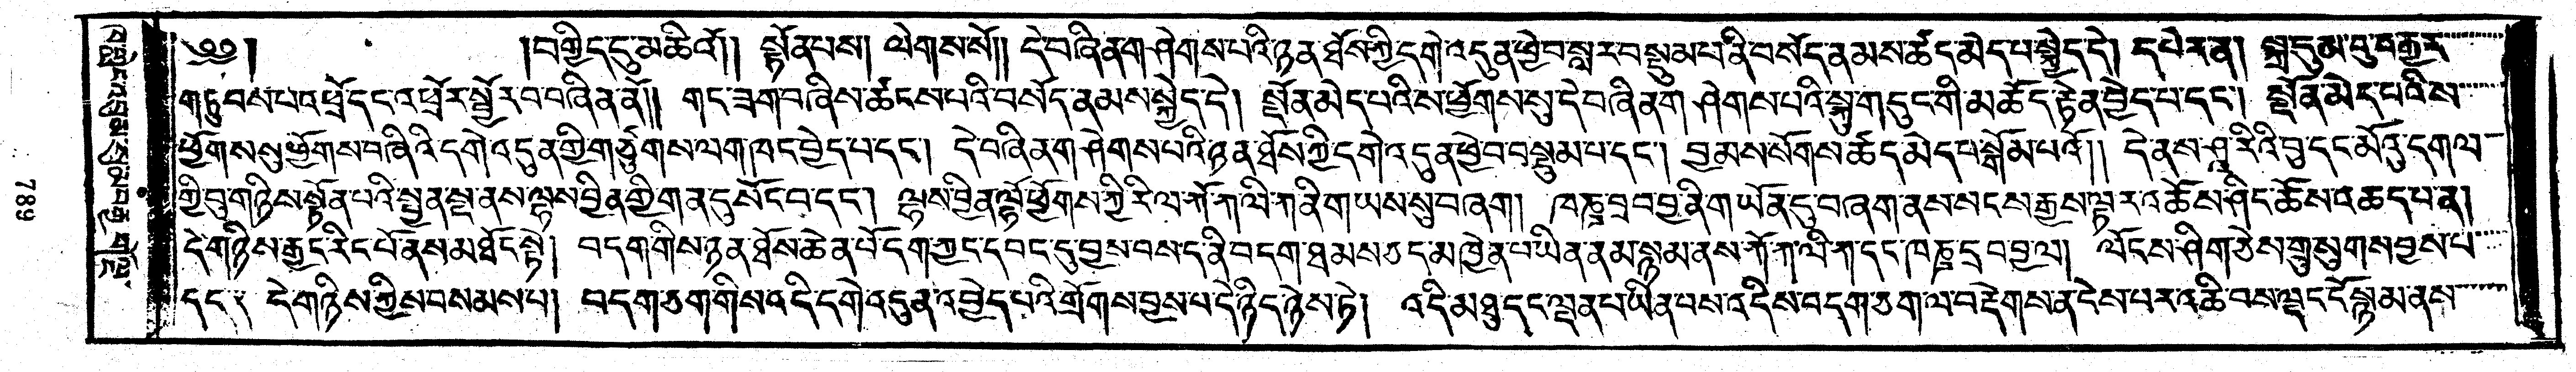༄༅། །བགྱིད་དུ་མཆིའོ།། སྟོན་པས། ལེགས་སོ།། དེ་བཞིན་གཤེགས་པའི་ཉན་ཐོས་ཀྱི་དགེ་འདུན་ཕྱེ་བ་སླར་བསྡུམ་པ་ནི་བསོད་ནམས་ཚད་མེད་པ་སྐྱེད་དེ། དཔེར་ན། སྐྲ་དུམ་བུ་བརྒྱར་
གཏུབས་པ་འཕྲོ་དང་འཕྲོར་སྦྱོར་བ་བཞིན་ནོ།། གང་ཟག་བཞིས་ཚངས་པའི་བསོད་ནམས་སྐྱེད་དེ། སྔོན་མེད་པའི་ས་ཕྱོགས་སུ་དེ་བཞིན་གཤེགས་པའི་སྐུ་གདུང་གི་མཆོད་རྟེན་བྱེད་པ་དང་། སྔོན་མེད་པའི་ས་
ཕྱོགས་སུ་ཕྱོགས་བཞིའི་དགེ་འདུན་གྱི་གཙུགས་ལག་ཁང་བྱེད་པ་དང་། དེ་བཞིན་གཤེགས་པའི་ཉན་ཐོས་ཀྱི་དགེ་འདུན་ཕྱེ་བ་བསྡུམ་པ་དང་། བྱམས་སོགས་ཚད་མེད་བསྒོམ་པའོ།། དེ་ནས་ཤཱ་རིའི་བུ་དང་མོའུ་དག་ལ་
གྱི་བུ་གཉིས་སྟོན་པའི་སྤྱན་སྔ་ནས་ལྷས་བྱིན་གྱི་གན་དུ་སོང་བ་དང་། ལྷས་བྱིན་ལྷོ་ཕྱོགས་ཀྱི་རིལ་ཀོ་ཀ་ལི་ཀ་ནི་གཡས་སུ་བཞག། ཁཎྜ་བྲབ་བྱ་ནི་གཡོན་དུ་བཞག་ནས་སངས་རྒྱས་ལྟར་འཆོས་ཤིང་ཆོས་འཆད་པ་ན།
དེ་གཉིས་རྒྱང་རིང་པོ་ནས་མཐོང་སྟེ། བདག་གིས་ཉན་ཐོས་ཆེན་པོ་དག་ཀྱང་དབང་དུ་བྱས་པས་ད་ནི་བདག་ཐམས་ཅད་མཁྱེན་པ་ཡིན་ནམ་སྙམ་ནས་ཀོ་ཀ་ལི་ཀ་དང་ཁཎྜ་དྲབ་བྱ་ལ། ལོངས་ཤིག་ཅེས་གྲུ་སུགས་བྱས་པ་
དང༑ དེ་གཉིས་ཀྱིས་བསམས་པ། བདག་ཅག་གིས་འདི་དགེ་འདུན་འབྱེད་པའི་གྲོགས་བྱས་པ་དེ་ཉིད་ཉེས་ཏེ། འདི་མཐུ་དང་ལྡན་པ་ཡིན་པས་འདིས་བདག་ཅག་ལ་བརྡེགས་ན་ངེས་པར་འཆི་བས་ལྡང་ངོ་སྙམ་ནས་